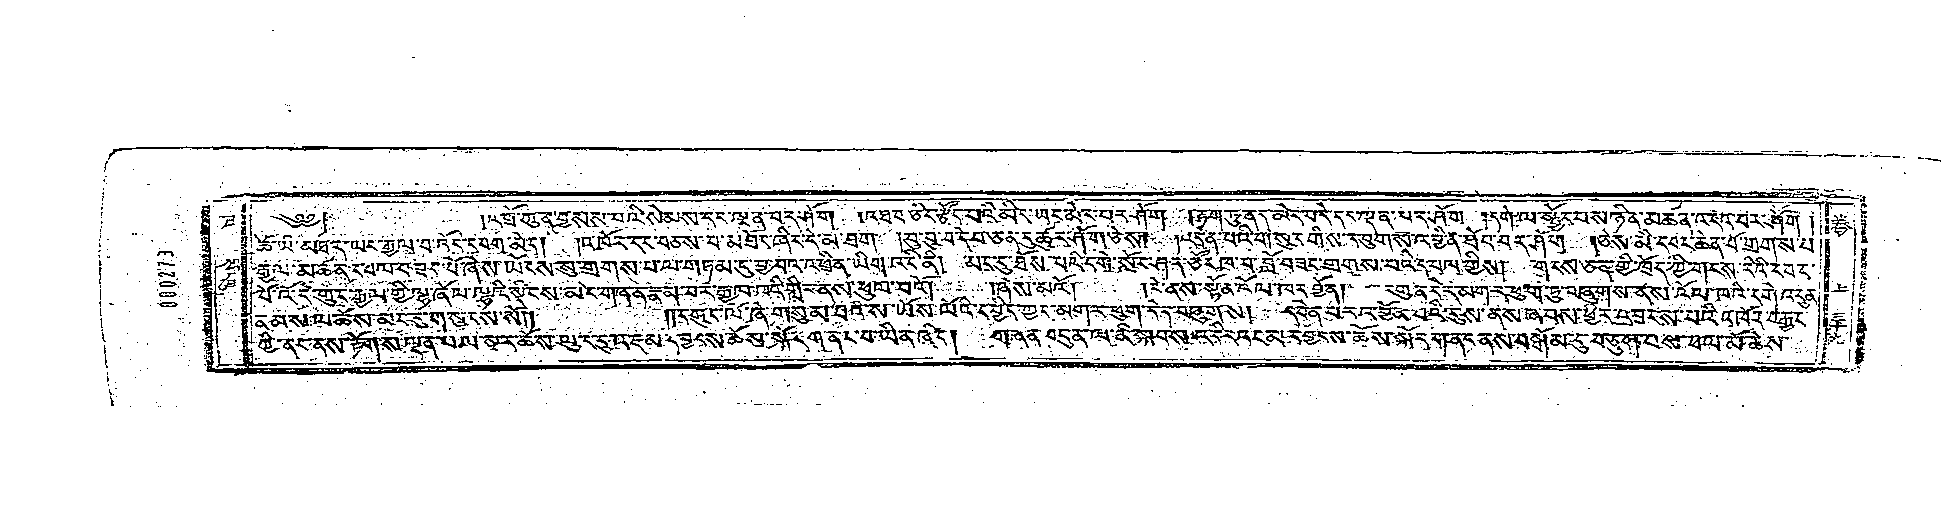༄༅། །འགྲོ་ཀུན་བྱམས་པའི་སེམས་དང་ལྡན་བར་ཤོག །འཐབ་ཅིང་རྩོད་པའི་མིང་ཡང་མེད་པར་ཤོག །རྟག་ཏུ་ནད་མེད་བདེ་དང་ལྡན་པར་ཤོག །དགེ་ལ་སྦྱོང་པས་ཉིན་མཚན་འདའ་བར་ཤོག །
ཚེ་ཡི་མཐར་ཡང་རྒྱལ་བ་འོད་དཔག་མེད། །འཁོར་དང་བཅས་པ་མཐོང་ཞིང་དེ་མ་ཐག །བུ་བུ་བདེ་བ་ཅན་དུ་ཚུར་ཤོག་ཅེས། །འདྲེན་པའི་གསུང་གིས་དབུགས་འབྱིན་ཐོབ་བར་ཤོག །ཅེས་མི་དབང་ཆེན་པོ་གྲགས་པ་
རྒྱལ་མཚན་དཔལ་བཟང་པོ་ཞེས་ཡོངས་སུ་གྲགས་པ་ལ་གཏམ་དུ་བྱ་བའི་འཕྲིན་ཡིག་འདི་ནི། མང་དུ་ཐོས་པའི་དགེ་སློང་ཤར་ཙོང་ཁ་པ་བློ་བཟང་གྲགས་པའི་དཔལ་གྱིས། གངས་ཅན་གྱི་ཁྲོང་ཀྱི་གངས་རིའི་དབང་
པོའོ་དེ་གུང་རྒྱལ་གྱི་ལྷ་ཞོལ་ལྷའི་སྡིངས་མེད་གཞན་རྣམ་པར་རྒྱལ་བའི་གླིང་ནས་ཕུལ་བའོ། །ཞེས་པའོ། །དེ་ནས་སྟོན་ཁོལ་ཁར་བྱོན། དགུན་དེར་མགར་ཕུག་ཏུ་བཞུགས་ནས་འོལ་ཁའི་དགེ་འདུན་
རྣམས་ལ་ཆོས་མང་དུ་གསུངས་སོ།། །།དགུང་ལོ་ཞེ་གསུམ་པའི་ས་ཡོས་ལོའི་དཔྱིད་ཀྱང་མགར་ཕུག་དེར་བཞུགས། དབེན་བར་འབྱོན་པའི་དུས་ནས་ཞབས་ཕྱིར་འབྲངས་པའི་འཁོར་བརྒྱད་
ཀྱི་ནང་ནས་རྟོགས་ལྡན་པ་ལ་སྔར་ཆོས་ལུང་དུ་འཇམ་དབྱངས་ཆོས་སྐོར་གནང་བ་ཡིན་ཞིང་། གཞན་བདུན་ལ་ནི་སྐབས་འདིར་འཇམ་དབྱངས་ཆོས་སྐོར་གནང་ནས་བསྒོམ་དུ་བཅུག་པས་ཕལ་མོ་ཆེས་